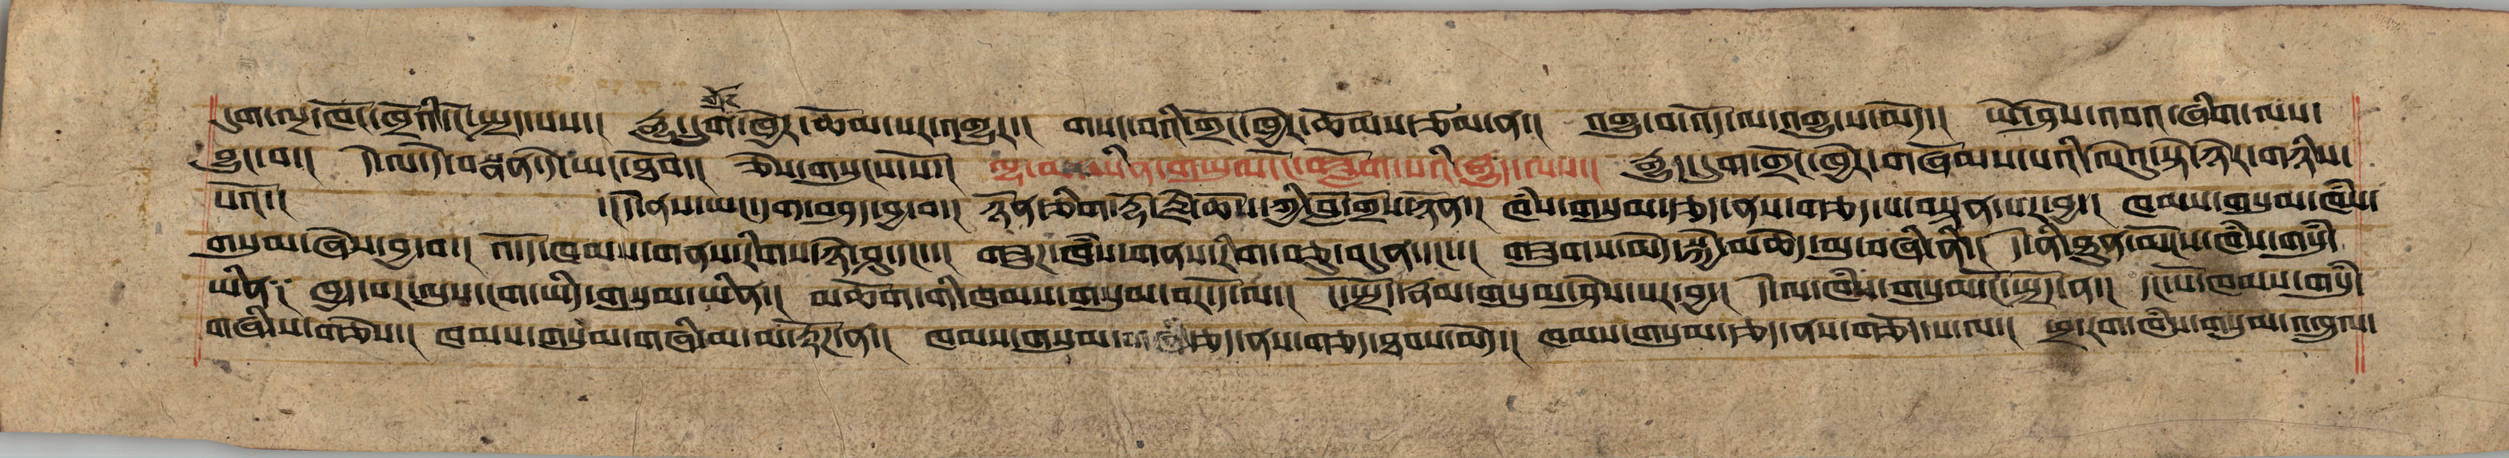དུག་ལྔ་ཁོང་ཁྲོའི་ངོ་སྤྲད་པས་། རྒྱུང་དྲུག་གྲོང་ཁྱེར་ཆོམ་པར་འགྱུར་། གསང་བའི་གྲོང་ཁྱེར་ཆོམས་ཙམ་ན་། འགྲུ་བ་འོད་ལ་འགྱུ་ས་མེད་། ཡེ་ཤེས་འབའ་ཞིག་ལས་
བྱུང་བ་། དེ་ལ་དེ་བསྣན་དེ་ཡང་ཐོབ་། ཅེས་གསུངས་སོ་། ལྷ་མ་ཡིན་གཡུལ་ངོ་བཟློག་པའི་རྒྱུད་ལས་། རྒྱུད་དྲུག་གྲོང་ཁྱེར་གཞོམས་པའི་ལེའུ་སྟེ་ཉེར་གཉིས་
པའོ་། ་།དེ་ནས་ཡང་དག་བཤད་བྱ་བ་། ཉོན་ཅིག་རྡོ་རྗེ་ཆོས་ཀྱི་བློ་གྲོས་ཉོན་། ཁཾས་གསུམ་རྩད་ནས་གཅད་པ་བསྟན་པར་བྱ་། ཁམས་གསུམ་ཁཾས་
གསུམ་ཞེས་བྱ་བ་། འདོད་ཁམས་གནས་རིགས་ཉེ་ཤུ་དང་། གཟུཌ་ཁཾས་གནས་རིག་བཅུ་བདུན་དང་། གཟུགས་མེད་སྐྱེ་མཆེད་མུ་བཞི་ནི་། དེ་ནི་ཐུན་མོངས་ཁཾས་གསུཾ་
ཡིན༑ ཁྱད་པར་ལུས་ངག་ཡིད་གསུམ་ཡིན་། མཆོག་གི་ཁམས་གསུམ་བར་དོ་ལ་། ངོ་སྤྲོད་རྣམས་གསུམ་ཤེས་པར་བྱ་། དེ་ལ་ཁཾས་གསུམ་ངོ་སྤྲོད་ན་། དངོས་གྲུབ་རྣམས་གསུཾ་
གཞི་ས་གཅེས་། ཁམས་གསུམ་གཞི་མ་མི་རྟོཌ་ན་། ཁམས་གསུམ་བཞི་རྩོད་ནས་གཅད་ཐབས་མེད་། ཁམས་གསུམ་རྩད་ནས་གཅོད་པ་ལ་། སྒྲ་རིག་ཁཾས་གསུམ་འཁྲུལ་